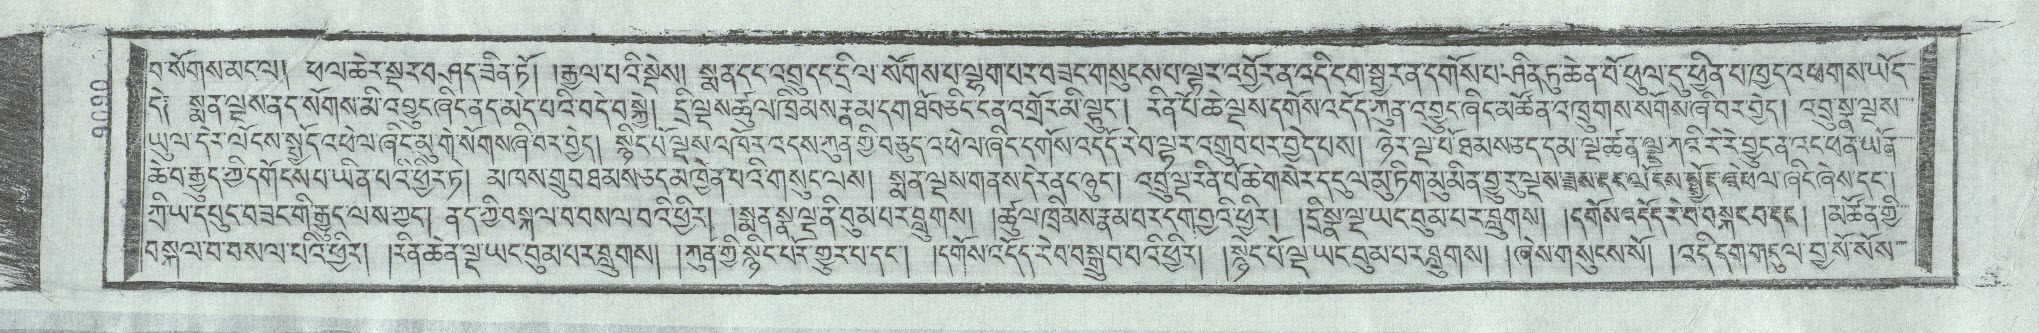པ་སོགས་མང་ལ། ཕལ་ཆེར་སྔར་བཤད་ཟིན་ཏོ། །རྒྱལ་པའི་སྡེས། སྨན་དང་འབྲུ་དང་དྲིལ་སོགས་པ་ལྷག་པར་བཟང་གསུངས་པ་ལྟར་འབྱོར་ན་འདི་དག་སྦྱར་ན་དགོས་པ་ཤིན་ཏུ་ཆེན་པོ་ཕུལ་དུ་ཕྱིན་པ་ཁྱད་འཕགས་ཡོད་
དེ༑ སྨན་ལྔས་ནད་སོགས་མི་འབྱུང་ཞིང་ནད་མེད་པའི་བདེ་བ་སྐྱེ། དྲི་ལྡས་ཚུལ་ཁྲིམས་རྣམ་དག་ཐོབ་ཅིང་ངན་འགྲོར་མི་ལྟུང་། རིན་པོ་ཆེ་ལྔས་དགོས་འདོད་ཀུན་འབྱུང་ཞིང་མཚོན་འཁྲུགས་སོགས་ཞི་བར་བྱེད། འབྲུ་སྣ་ལྔས་
ཡུལ་དེར་ལོངས་སྤྱོད་འཕེལ་ཞིང་མུ་གེ་སོགས་ཞི་བར་བྱེད། སྙིང་པོ་ལྔས་འཁོར་འདས་ཀུན་གྱི་བཅུད་འཕེལ་ཞིང་དགོས་འདོད་རེ་བ་ལྟར་འགྲུབ་པར་བྱེད་པས། ཉེར་ལྔ་པོ་ཐམས་ཅད་དམ་ལྔ་ཚན་ལྔ་ཀའི་རེ་རེ་བྱུང་ན་འང་ཕན་ཡོན་
ཆེ་བ་རྒྱུད་ཀྱི་དགོངས་པ་ཡིན་པའི་ཕྱིར་ཏེ། མཁས་གྲུབ་ཐམས་ཅད་མཁྱེན་པའི་གསུང་ལས། སྨན་ལྡས་གནས་དེར་ནང་ཉུང་། འབྲུ་ལྔ་རིན་པོ་ཆེ་གསེར་དངུལ་མུ་ཏིག་མུ་མིན་བྱུ་རུ་ལྡས་ཟས་དང་ལོངས་སྦྱོད་འཕེལ་ཞིང་ཞེས་དང་།
ཀྲི་ཡ་དཔུང་བཟང་གི་རྒྱུད་ལས་ཀྱང་། ནད་ཀྱི་བསྐལ་བ་བསལ་བའི་ཕྱིར། །སྨན་སྣ་ལྔ་ནི་བུམ་པར་བླུགས། །ཚུལ་ཁྲིམས་རྣམ་པར་དག་བྱའི་ཕྱིར། །དྲི་སྣ་ལྔ་ཡང་བུམ་པར་བླུགས། །དགོས་འདོད་རེ་བ་བསྐང་བ་དང་། །མཚོན་གྱི་
བསྐལ་བ་བསལ་པའི་ཕྱིར། །རིན་ཆེན་ལྔ་ཡང་བུམ་པར་བླུགས། །ཀུན་གྱི་སྙིང་པོར་གྱུར་པ་དང་། །དགོས་འདོད་རེ་བ་བསྒྲུབ་པའི་ཕྱིར། །སྙེང་པོ་ལྔ་ཡང་བུམ་པར་བླུགས། །ཞེས་གསུངས་སོ། །འདི་དག་གདུལ་བྱ་སོ་སོས་